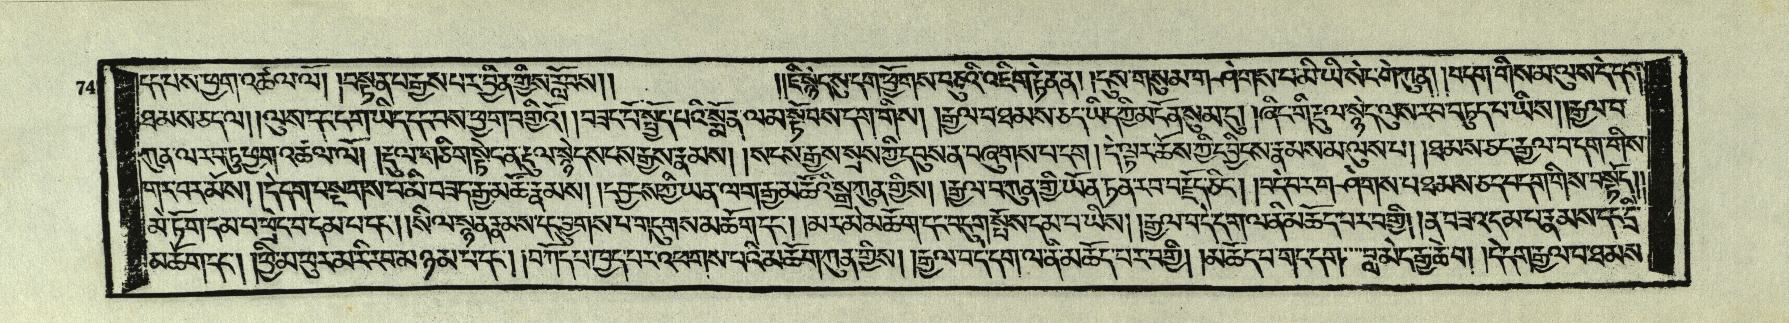དད་པས་ཕྱག་འཚལ་ལོ། །བསྟན་པ་རྒྱས་པར་བྱིན་གྱིས་རློབས།། །།ཇི་སྙེད་སུ་དག་ཕྱོགས་བཅུའི་འཇིག་རྟེན་ན། །དུས་གསུམ་གཤེགས་པ་མི་ཡི་སེང་གེ་ཀུན། །བདག་གིས་མ་ལུས་དེ་དག་
ཐམས་ཅད་ལ། །ལུས་དང་ངག་ཡིད་དང་བས་ཕྱག་བགྱིའོ། །བཟང་པོ་སྤྱོད་པའི་སྨོན་ལམ་སྟོབས་དག་གིས། །རྒྱལ་བ་ཐམས་ཅད་ཡིད་ཀྱི་མངོན་སུམ་དུ། །ཞིང་གི་རྡུལ་སྙེད་ལུས་རབ་བཏུད་པ་ཡིས། །རྒྱལ་བ་
ཀུན་ལ་རབ་ཏུ་ཕྱག་འཚལ་ལོ། །རྡུལ་གཅིག་སྟེང་ན་རྡུལ་སྙེད་སངས་རྒྱས་རྣམས། །སངས་རྒྱས་སྲས་ཀྱི་དབུས་ན་བཞུགས་པ་དག །དེ་ལྟར་ཆོས་ཀྱི་དབྱིངས་རྣམས་མ་ལུས་པ། །ཐམས་ཅད་རྒྱལ་བ་དག་གིས་
གར་བར་མོས། །དེ་དག་བསྔགས་པ་མི་བཟད་རྒྱ་མཚོ་རྣམས། །དབྱངས་ཀྱི་ཉན་ལག་རྒྱ་མཚོའི་སྒྲ་ཀུན་གྱིས། །རྒྱལ་བ་ཀུན་གྱི་ཡོན་ཏན་རབ་བརྗོད་ཅིང་། །བདེ་བར་གཤེགས་པ་ཐམས་ཅད་བདག་གིས་བསྟོད།།
མེ་ཏོག་དམ་པ་ཕྲེང་བ་དམ་པ་དང་། །སིལ་སྙན་རྣམས་དང་བྱུགས་པ་གདུགས་མཆོག་དང་། །མར་མེ་མཆོག་དང་བདུག་སྤོས་དམ་པ་ཡིས། །རྒྱལ་བ་དེ་དག་ལ་ནི་མཆོད་པར་བགྱི། །ན་བཟའ་དམ་པ་རྣམས་དང་དྲི་
མཆོག་དང་། །ཕྱི་མ་ཕུར་མ་རི་རབ་མཉམ་པ་དང་། །བཀོད་པ་ཁྱད་པར་འཕགས་པའི་མཆོག་ཀུན་གྱིས། །རྒྱལ་བ་དེ་དག་ལ་ནི་མཆོད་པར་བགྱི། །མཆོད་པ་གང་དག་བླ་མེད་རྒྱ་ཆེ་བ། །དེ་དག་རྒྱལ་བ་ཐམས་